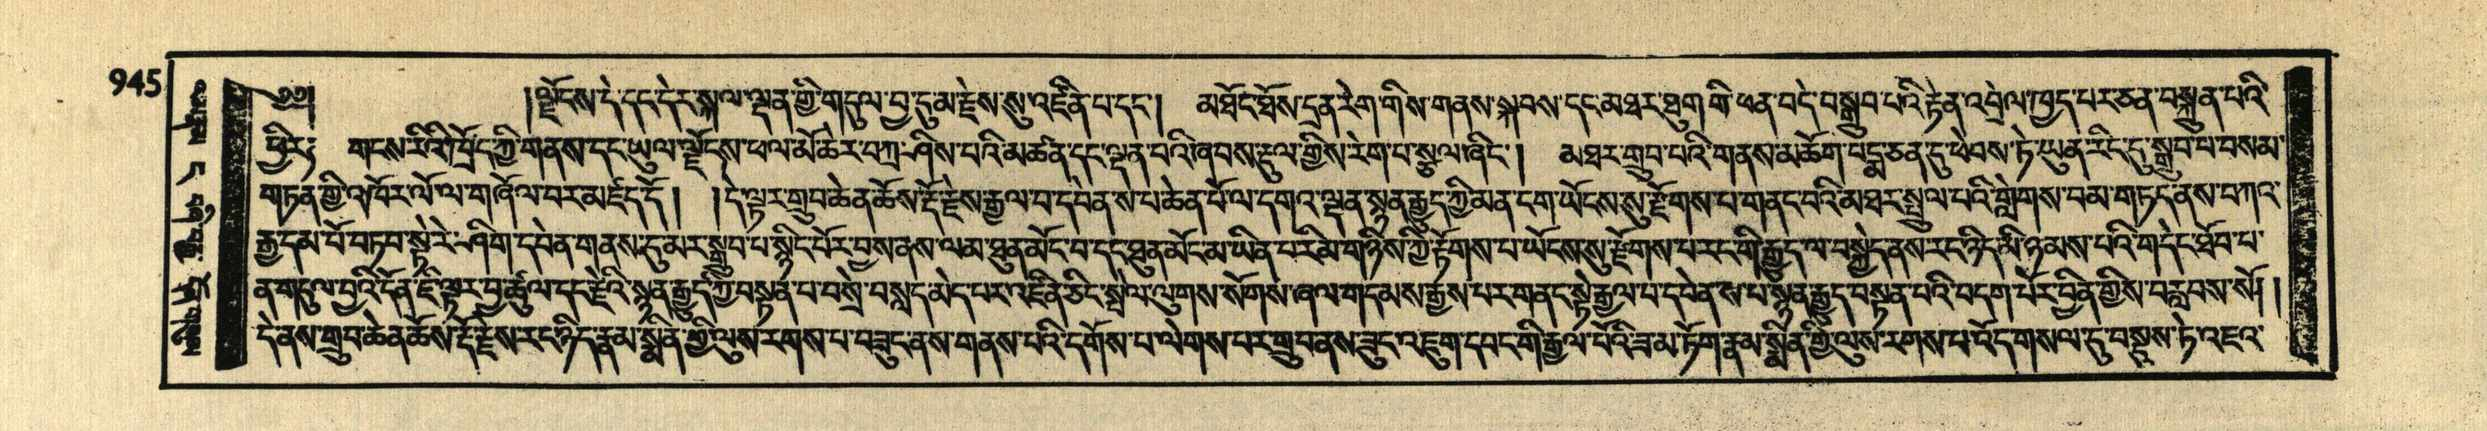༄༅། །ལྗོངས་དེ་དང་དེར་སྐལ་ལྡན་གྱི་གདུལ་བྱ་ཏུ་མ་རྗེས་སུ་འཛིན་པ་དང་། མཐོང་ཐོས་དྲན་རེག་གིས་གནས་སྐབས་དང་མཐར་ཐུག་གི་ཕན་བདེ་བསྒྲུབ་པའི་རྟེན་འབྲེལ་ཁྱད་པར་ཅན་བསྐྲུན་པའི་
ཕྱིར༑ གངས་རིའི་ཁྲོད་ཀྱི་གནས་དང་ཡུལ་ཇོངས་ཕལ་མོ་ཆེར་བཀྲ་ཤིས་པའི་མཚན་དང་ལྡན་པའི་ཞབས་རྡུལ་གྱིས་རེག་པ་སྩལ་ཞིང་། མཐར་གྲུབ་པའི་གནས་མཆོག་པདམ་ཅན་དུ་ཕེབས་ཏེ་ཡུན་རིང་དུ་སྒྲུབ་པ་བསམ་
གཏན་གྱི་འཁོར་ལོ་ལ་གཞོལ་བར་མཛད་དོ། །དེ་ལྟར་གྲུབ་ཆེན་ཆོས་རྡོ་རྗེས་རྒྱལ་བ་དབེན་ས་པ་ཆེན་པོ་ལ་དགའ་ལྡན་སྙན་རྒྱུད་ཀྱི་མན་ངག་ཡོངས་སུ་རྫོགས་པ་གནང་བའི་མཐར་སྤྲུལ་པའི་གླེགས་བམ་གཏད་ནས་བཀའ་
རྒྱ་དམ་པོ་བཏབ་སྟེ་རེ་ཤིག་དབེན་གནས་དུ་མར་སྒྲུབ་པ་སྙིང་པོར་བྱས་ནས་ལམ་ཐུན་མོང་བ་དང་ཐུན་མོང་མ་ཡིན་པ་རིམ་གཉིས་ཀྱི་རྟོགས་པ་ཡོངས་སུ་རྫོགས་པ་རང་གི་རྒྱུད་ལ་བསྐྱེད་ནས་རང་ཉིད་མི་ཉམས་པའི་གདེང་ཐོབ་པ་
ན་གདུལ་བྱའི་དོན་ཇི་ལྟར་བྱ་ཚུལ་དང་རྗེའི་སྙན་རྒྱུད་ཀྱི་བསྟན་པ་བསྲེ་བསླད་མེད་པར་འཛིན་ཅིང་སྤེལ་ལུགས་སོགས་ཞལ་གདམས་རྒྱས་པར་གནང་སྟེ་རྒྱལ་པ་དབེན་ས་པ་སྙན་རྒྱུད་བསྟན་པའི་བདག་པོར་བྱིན་གྱིས་བརླབས་སོ། །
དེ་ནས་གྲུབ་ཆེན་ཆོས་རྡོ་རྗེས་རང་ཉིད་རྣམ་སྨིན་གྱི་ལུས་རགས་པ་བཟུང་ནས་གནས་པའི་དགོས་པ་ལེགས་པར་གྲུབ་ནས་ཟུང་འཇུག་དབང་གི་རྒྱལ་པོའི་ཟ་མ་ཏོག་རྣམ་སྨིན་གྱི་ལུས་རགས་པ་འོད་གསལ་དུ་བསྡུས་ཏེ་འཇའ་